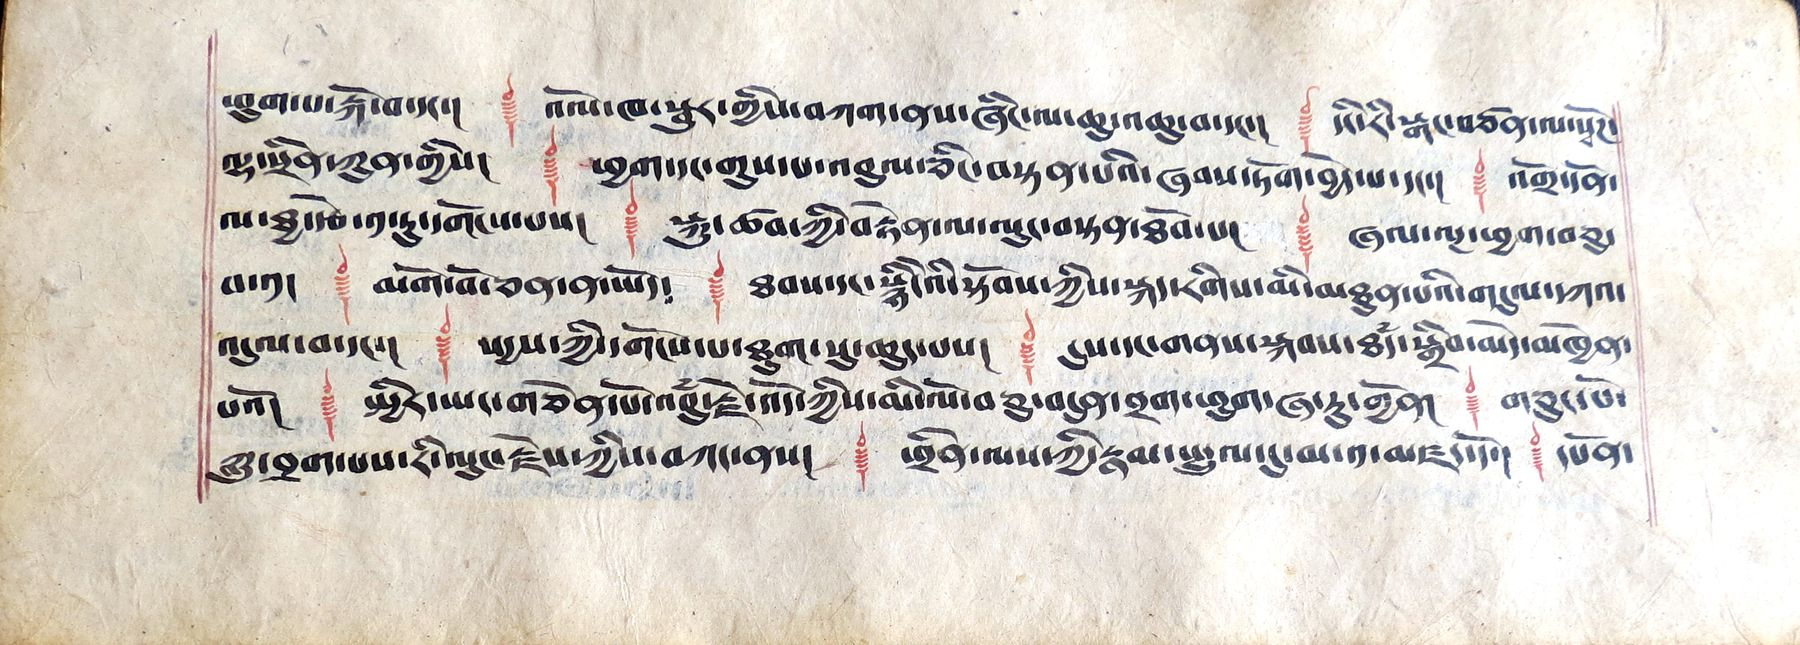ཕུག་པ་བརྐོ་བ་དང་། འོལ་ཁ་སྤུར་གྱིས་བཀག་ནས་ཞིང་ལ་ཆུ་འཆུ་བ་དང་། དིང་རི་སྒང་བཙན་ལས་སོགས་
ལྷ་སྲིན་ཀུན་གྱིས། ཕྱག་དང་གུས་པ་འབུལ་ཞིང་བསྟན་པའི་ཞབས་ཏོག་བྱེད་པ་དང་། འགྲོ་དོན་
ལ་ཐུགས་རྩེ་གཅིག་ཏུ་དགོངས་པས། སྐུ་ཚབ་ཀྱི་རྟེན་ལ་ལུང་བསྟན་ཐོབ་པ། ཞལ་ལྔ་ཕྱག་བཅུ་
པ་ཞིག། མགོ་བོ་ཅན་ན་ཡོད། ཐབས་དང་སྙིང་རྗེའི་སྟོབས་ཀྱིས་སྐད་རིགས་མི་མཐུན་པའི་གདུལ་དཀའ་
འདུལ་བ་དང་། སངས་རྒྱས་ཀྱི་དགོངས་པ་ཐུགས་སུ་ཆུད་པས། དུས་དང་གནས་སྐབས་ཐམས་ཅད་སྒྲིབ་མེད་མཁྱེན་
པའོ། ། སྤྱིར་ཡང་གཅེན་པོ་འབུམ་རྗེ་འོད་ཀྱིས་མི་ལོ་བཅུ་བདུན་བྲག་ཕུག་ཞྭ་རུ་གྱོན། གཅུང་པོ་
བཀྲ་ཤིས་རྒྱལ་མཚན་གྱིས་རི་ལུང་རྗེས་ཀྱི་བཀང་ནས། འཕྲིན་ལས་ཀྱི་རྣམ་སྤྲུལ་དུ་མ་ཞིག་མཛད་དོ། ། དཔོན་